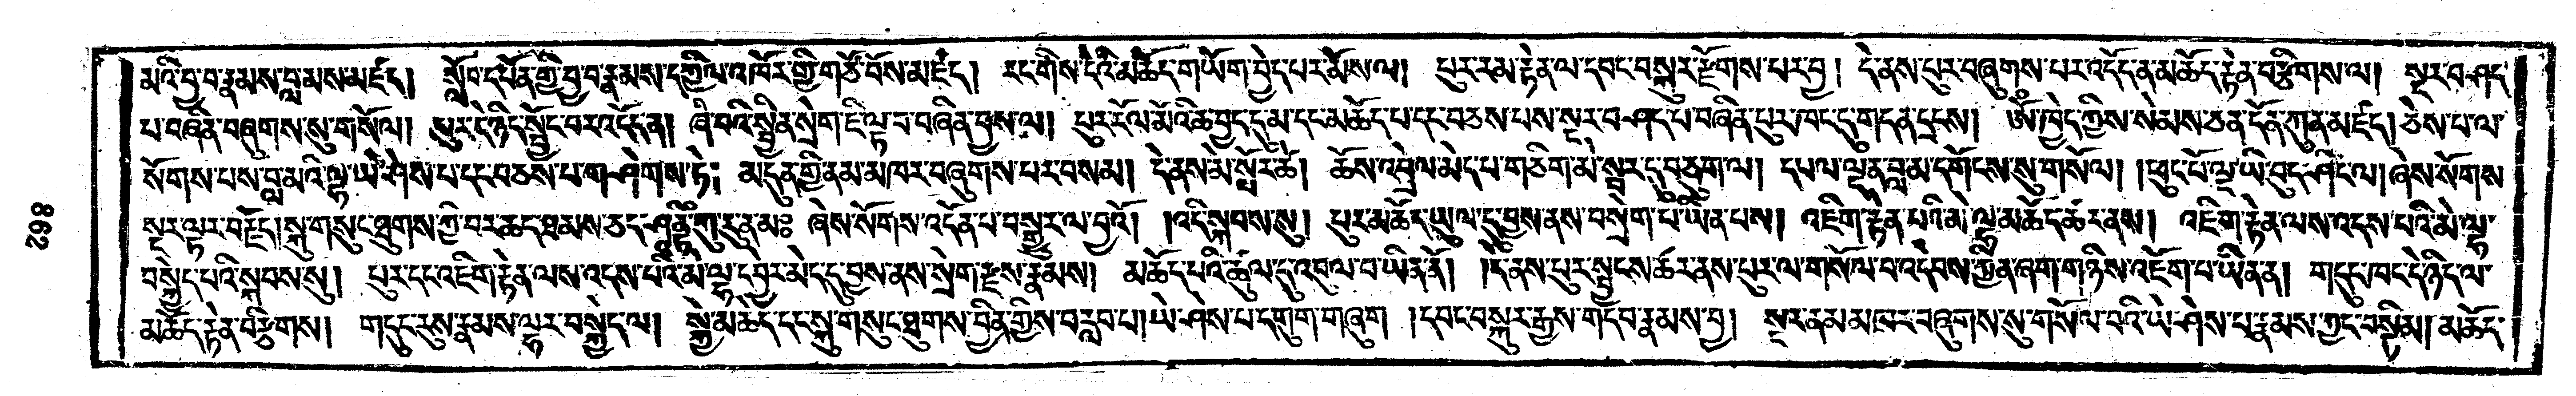མའི་བྱ་བ་རྣམས་བླ་མས་མཛད། སློབ་དཔོན་གྱི་བྱ་བ་རྣམས་དཀྱིལ་འཁོར་གྱི་གཙོ་བོས་མཛད། རང་གིས་དེའི་མཆོད་གཡོག་བྱེད་པར་མོས་ལ། པུར་རམ་རྟེན་ལ་དབང་བསྐུར་རྫོགས་པར་བྱ། དེ་ནས་པུར་བཞུགས་པར་འདོད་ན་མཆོད་རྟེན་བརྩིགས་ལ། སྔར་བཤད་
པ་བཞིན་བཞུགས་སུ་གསོལ། པུར་དེ་ཉིད་སྦྱོང་བར་འདོད་ན། ཞི་བའི་སྦྱིན་སྲེག་ཇི་ལྟ་བ་བཞིན་བྱས་ལ། པུར་རོལ་མོའི་ཆ་བྱད་དུ་མ་དང་མཆོད་པ་དང་བཅས་པས་སྔར་བཤད་པ་བཞིན་པུར་ཁང་དུ་གདན་དྲངས། ཨོཾ་ཁྱེད་ཀྱིས་སེམས་ཅན་དོན་ཀུན་མཛད། ཅེས་པ་ལ་
སོགས་པས་བླ་མའི་ལྷ་ཡེ་ཤེས་པ་དང་བཅས་པ་གཤེགས་ཏེ༑ མདུན་གྱི་ནམ་མཁར་བཞུགས་པར་བསམ། དེ་ནས་མེ་སྤོར་ཚེ། ཆོས་འབྲེལ་མེད་པ་གཅིག་མེ་སྦར་དུ་བཅུག་ལ། དཔལ་ལྡན་བླ་མ་དགོངས་སུ་གསོལ། །ཕུང་པོ་ལྔ་ཡི་བུད་ཤིང་ལ། ཞེས་སོགས་
སྔར་ལྟར་བརྗོད། སྐུ་གསུང་ཐུགས་ཀྱི་བར་ཆད་ཐམས་ཅད་ཤཱནྟིཾ་ཀུ་རུ་ན་མཿ ཞེས་སོགས་འདོན་པ་བསྒྱུར་ལ་བྱའོ། །འདི་སྐབས་སུ། པུར་མཆོད་ཡུལ་དུ་བྱས་ནས་བསྲེག་པ་ཡིན་པས། འཇིག་རྟེན་པའི་མེ་ལྷ་མཆོད་ཚར་ནས། འཇིག་རྟེན་ལས་འདས་པའི་མེ་ལྷ་
བསྐྱེད་པའི་སྐབས་སུ། པུར་དང་འཇིག་རྟེན་ལས་འདས་པའི་མེ་ལྷ་དབྱེར་མེད་དུ་བྱས་ནས་སྲེག་རྫས་རྣམས། མཆོད་པའི་ཚུལ་དུ་འབུལ་བ་ཡིན་ནོ། །དེ་ནས་པུར་སྦྱངས་ཚར་ནས་པུར་ལ་གསོལ་བ་འདེབས་ཀྱིན་ཞག་གཉིས་འཇོག་པ་ཡིན་ན། གདུང་ཁང་དེ་ཉིད་ལ་
མཆོད་རྟེན་བརྩིགས། གདུང་རུས་རྣམས་ལྷར་བསྐྱེད་ལ། སྐྱེ་མཆེད་དང་སྐུ་གསུང་ཐུགས་བྱིན་གྱིས་བརླབ་པ། ཡེ་ཤེས་པ་དགུག་གཞུག །དབང་བསྐུར་རྒྱས་གདབ་རྣམས་བྱ། སྔར་ནམ་མཁར་བཞུགས་སུ་གསོལ་བའི་ཡེ་ཤེས་པ་རྣམས་ཀྱང་བསྟིམ། མཆོད་